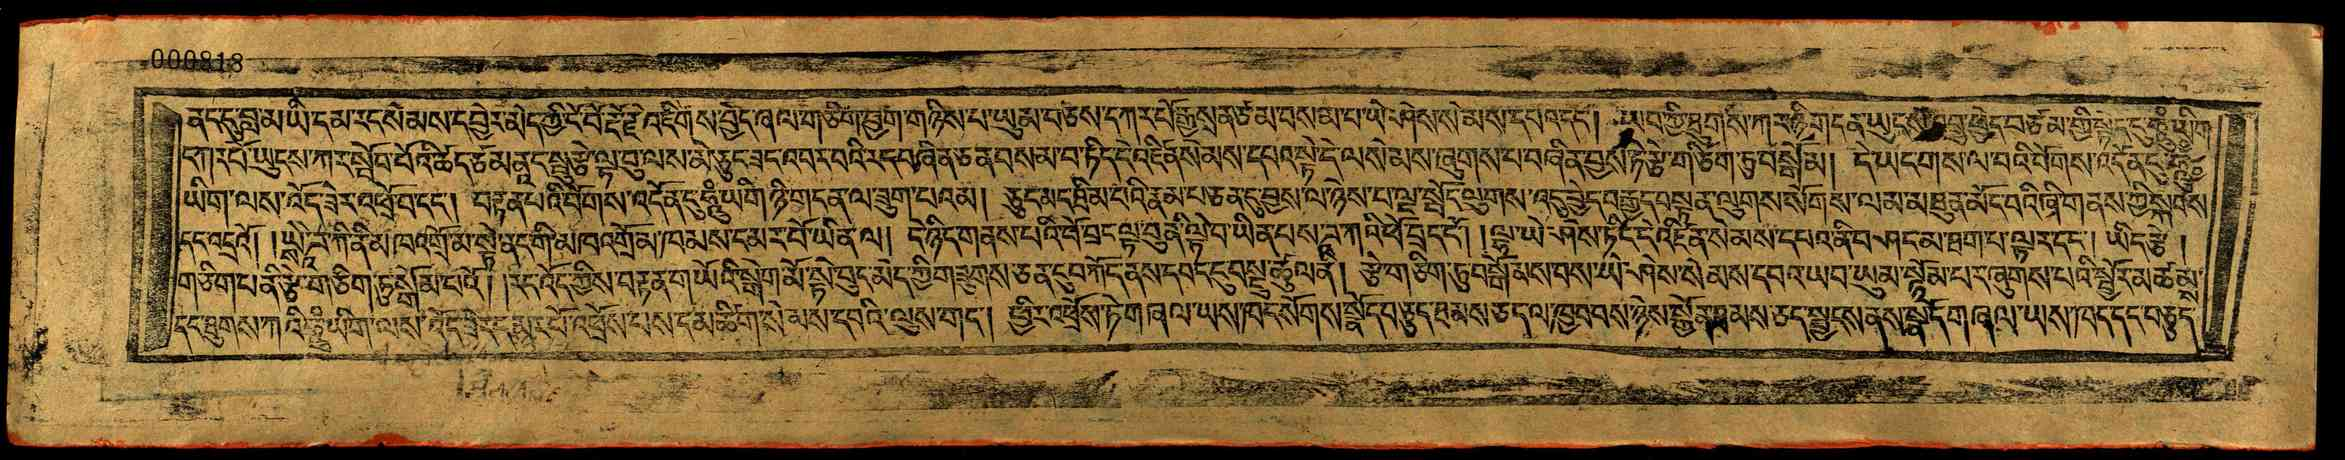ནང་དུ་བླ་མ་ཡི་དམ་རང་སེམས་དབྱེར་མེད་ཀྱི་ངོ་བོ་རྡོ་རྗེ་འཇིགས་བྱེད་ཞལ་གཅིག་ཕྱག་གཉིས་པ་ཡུམ་བཅས་དཀར་པོ་རྒྱ་སྲན་ཙམ་བསམ་པ་ཡེ་ཤེས་སེམས་དཔའ་དང་། ཡབ་ཀྱི་ཐུགས་ཀར་ཉི་གདན་ཡུངས་འབྲུ་ཕྱེད་པ་ཙམ་གྱི་སྟེང་དུ་ཧཱུཾ་ཡིག་
དཀར་པོ་ཡུངས་ཀར་སྦོམ་པོའི་ཚད་ཙམ་ནཱ་ད་སྤུ་རྩེ་ལྟ་བུ་ལས་མེ་ཅུང་ཟད་འབར་བའི་རང་བཞིན་ཅན་བསམ་པ་ཏིང་ངེ་འཛིན་སེམས་དཔའ་སྟེ་དེ་ལ་སེམས་ཞུགས་པ་བཞིན་བྱས་ཏེ་རྩེ་གཅིག་ཏུ་བསྒོམ། དེ་ཡང་གསལ་བའི་བོགས་འདོན་དུ་ཧཱུཾ་
ཡིག་ལས་འོད་ཟེར་འཕྲོ་བ་དང་། བརྟན་པའི་བོགས་འདོན་དུ་ཧཱུཾ་ཡིག་ཉི་གདན་ལ་ཟུག་པའམ། ཅུང་ཟད་ཐིམ་པའི་རྣམ་པ་ཅན་དུ་བྱས་ལ་ཉེས་པ་ལྔ་སྤོང་ལུགས་འདུ་བྱེད་བརྒྱད་བསྟན་ལུགས་སོགས་ལམ་མཐུན་མོང་བའི་ཞི་གནས་ཀྱི་སྐབས་
དང་འདྲའོ། །ཡཻ་ཌཱ་ཀི་ནི་མཁའ་འགྲོ་མ་སྟེ་ནང་གི་མ་ཁ་འགྲོ་མ་ཁམས་དམར་པོ་ཡིན་ལ། དེ་ཉིད་གནས་པའི་ཕོ་བྲང་ལྟ་བུ་ནི་ལྟེ་བ་ཡིན་པས་ཌཱ་ཀའི་ཕོ་བྲང་ངོ། །ལྷ་ཡེ་ཤེས་ཏིང་ངེ་འཛིན་སེམས་དཔའ་ནི་བཤད་མ་ཐག་པ་ལྟར་དང་། ཡིད་རྩེ་
གཅིག་པ་ནི་རྩེ་གཅིག་ཏུ་སྒོམ་པའོ། །རང་འོད་ཀྱིས་བརྟན་གཡོའི་སྒེག་མོ་སྟེ་བུད་མེད་ཀྱི་གཟུགས་ཅན་དུ་བཀོད་ནས་དབང་དུ་བསྡུ་ཚུལ་ནི། རྩེ་གཅིག་ཏུ་བསྒོམས་པས་ཡེ་ཤེས་སེམས་དཔའ་ཡབ་བསྡུ་ཚུལ་ནི། རྩེ་གཅིག་ཏུ་བསྒོམས་པས་ཡེ་ཤེས་སེམས་དཔའ་ཡབ་
དང་ཐུགས་ཀའི་ཧཱུཾ་ཡིག་ལས་འོད་ཟེར་དམར་པོ་འཕྲོས་པས་དམ་ཚིག་སེམས་དཔའི་ལུས་གང་། ཕྱིར་འཕྲོས་ཏེ་གཞལ་ཡས་ཁང་སོགས་སྣོད་བཅུད་ཐམས་ཅད་ལ་ཁྱབ་པས་ཉེས་སྐྱོན་ཐམས་ཅད་སྦྱངས་ནས་སྣོད་གཞལ་ཡས་ཁང་དང་བཅུད་